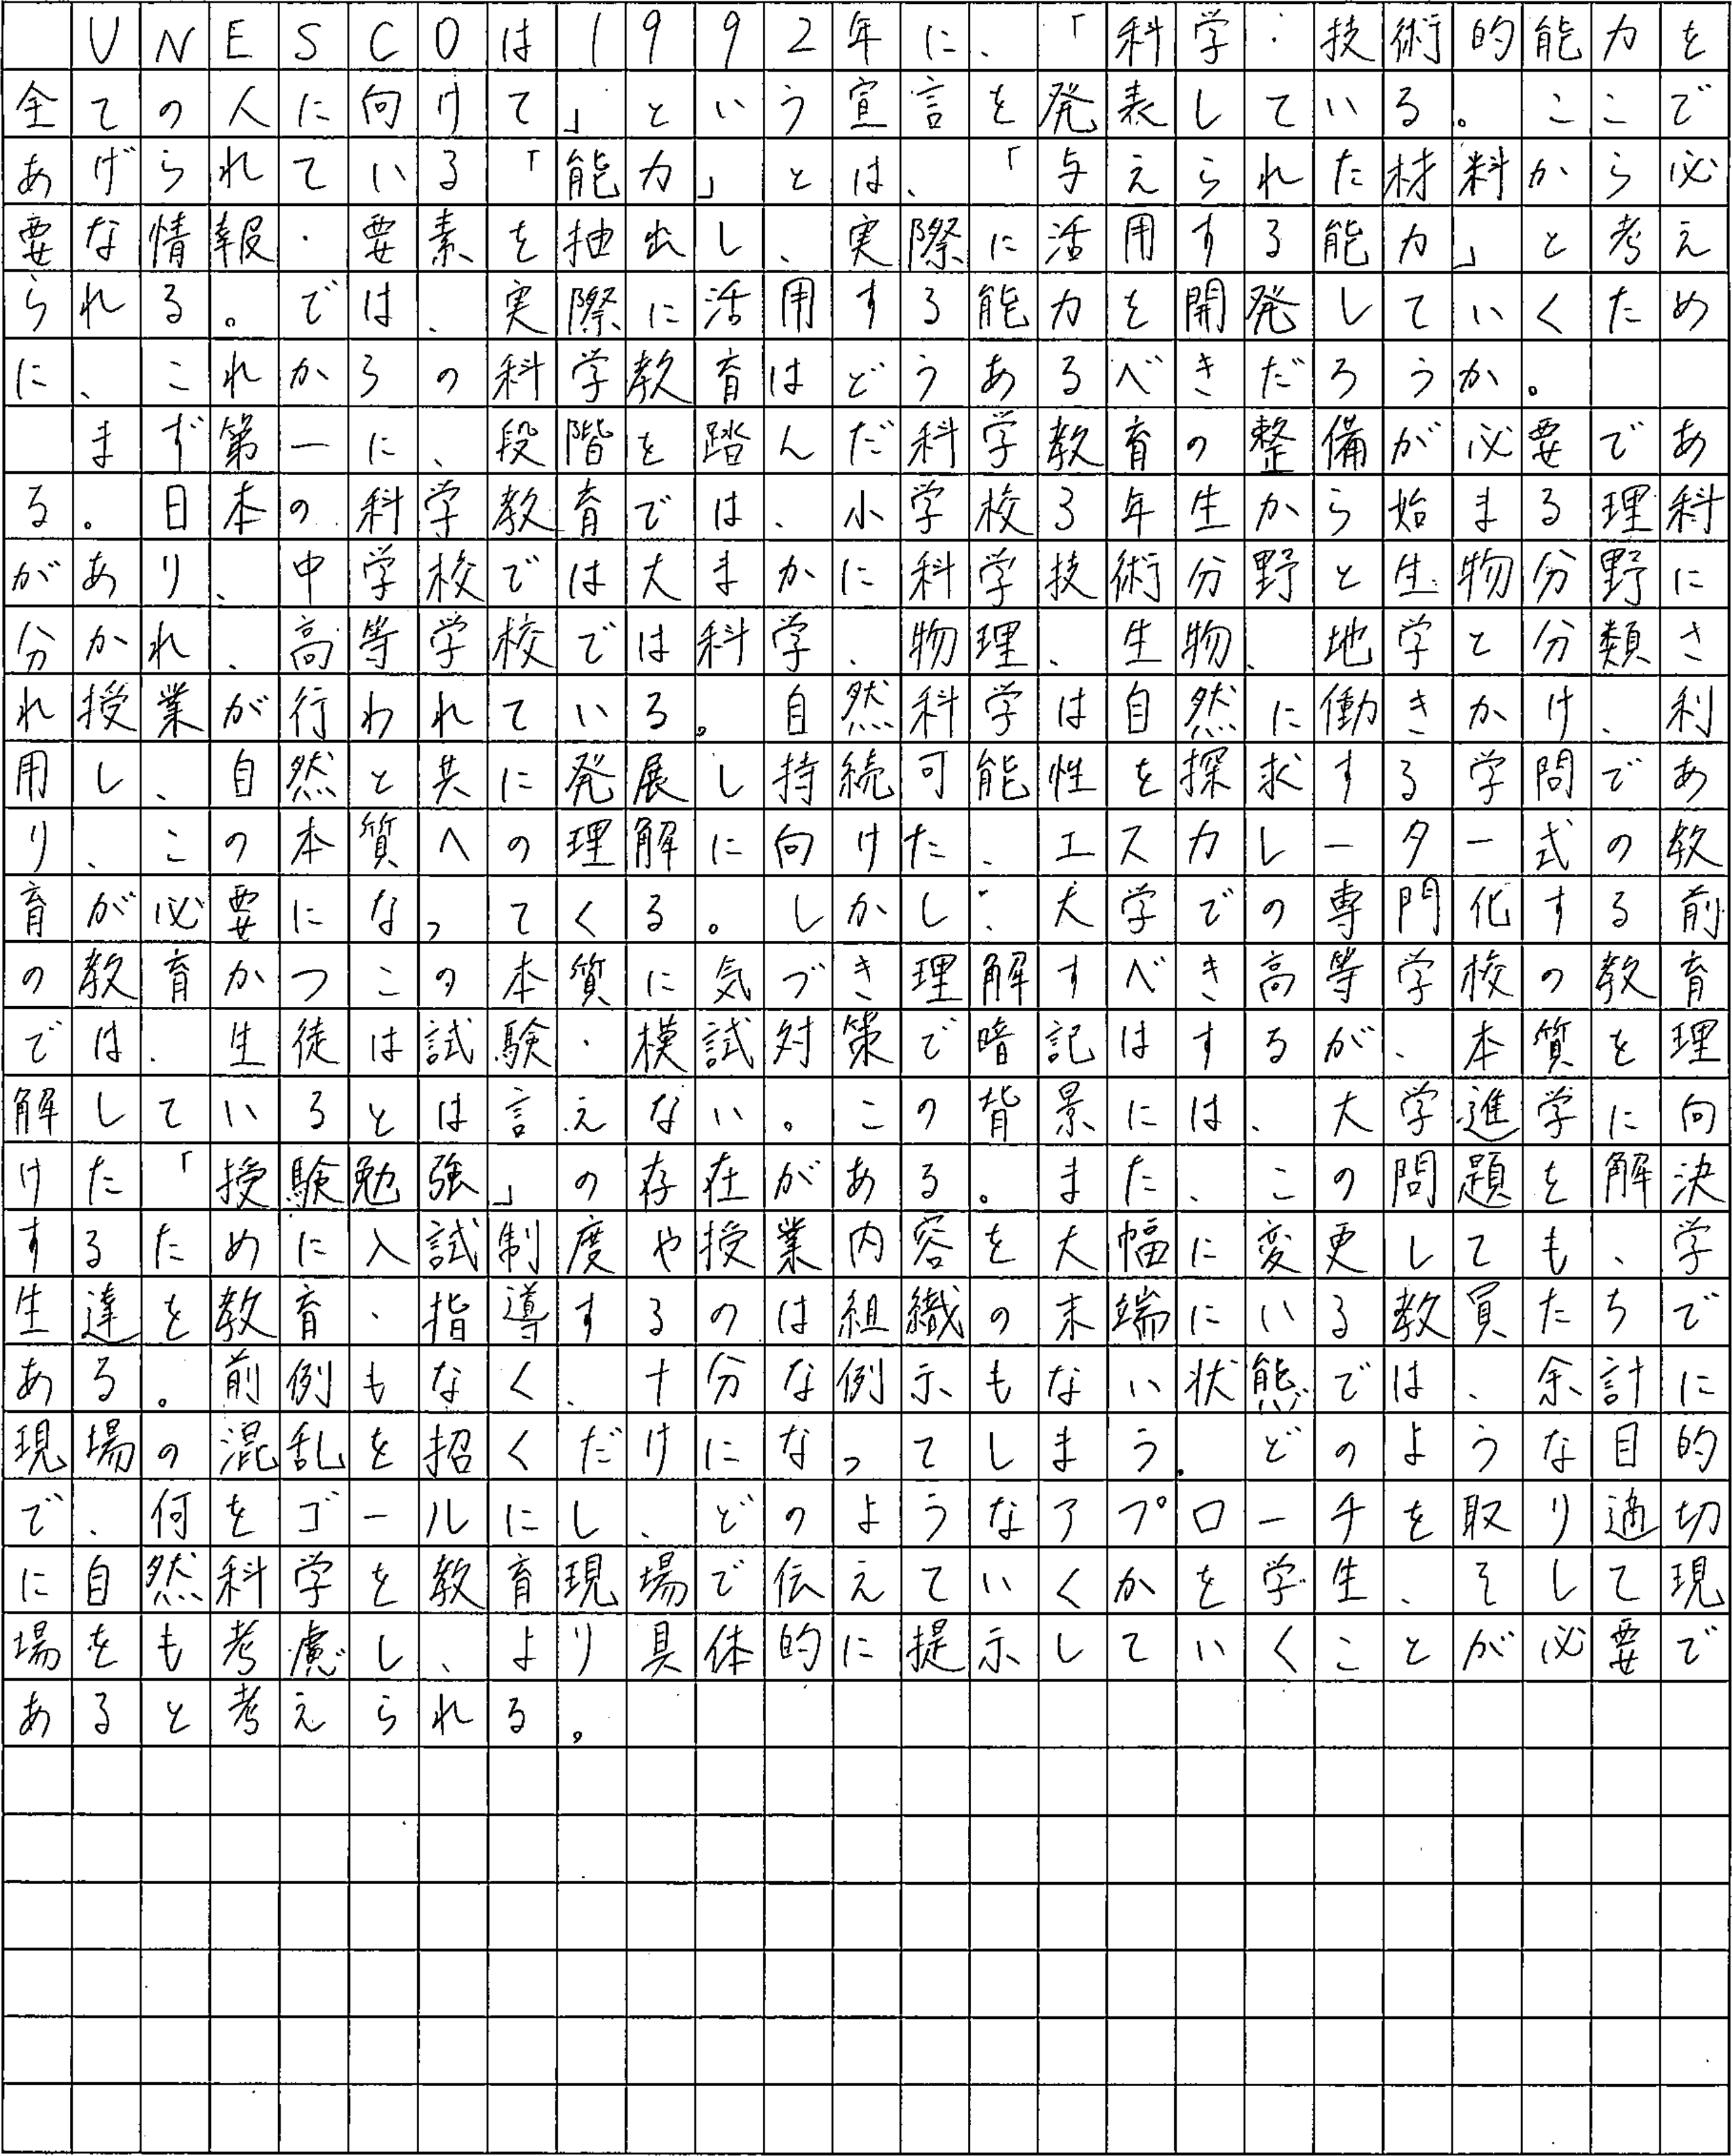　ＵＮＥＳＣＯは１９９２年に、「科学・技術的能力を全ての人に向けて」という宣言を発表している。ここであげられている「能力」とは、「与えられた材料から必要な情報・要素を抽出し、実際に活用する能力」と考えられる。では、実際に活用する能力を開発していくために、これからの科学教育はどうあるべきだろうか。
　まず第一に、段階を踏んだ科学教育の整備が必要である。日本の科学教育では、小学校３年生から始まる理科があり、中学校では大まかに科学技術分野と生物分野に分かれ、高等学校では科学、物理、生物、地学と分類され授業が行われている。自然科学は自然に働きかけ、利用し、自然と共に発展し持続可能性を探求する学問であり、この本質への理解に向けた、エスカレーター式の教育が必要になってくる。しかし、大学での専門化する前の教育かつこの本質に気づき理解すべき高等学校の教育では、生徒は試験・模試対策で暗記はするが、本質を理解しているとは言えない。この背景には、大学進学に向けた「授験勉強」の存在がある。また、この問題を解決するために入試制度や授業内容を大幅に変更しても、学生達を教育・指導するのは組織の末端にいる教員たちである。前例もなく、十分な例示もない状態では、余計に現場の混乱を招くだけになってしまう。どのような目的で、何をゴールにし、どのようなアプローチを取り適切に自然科学を教育現場で伝えていくかを学生、そして現場をも考慮し、より具体的に提示していくことが必要であると考えられる。
